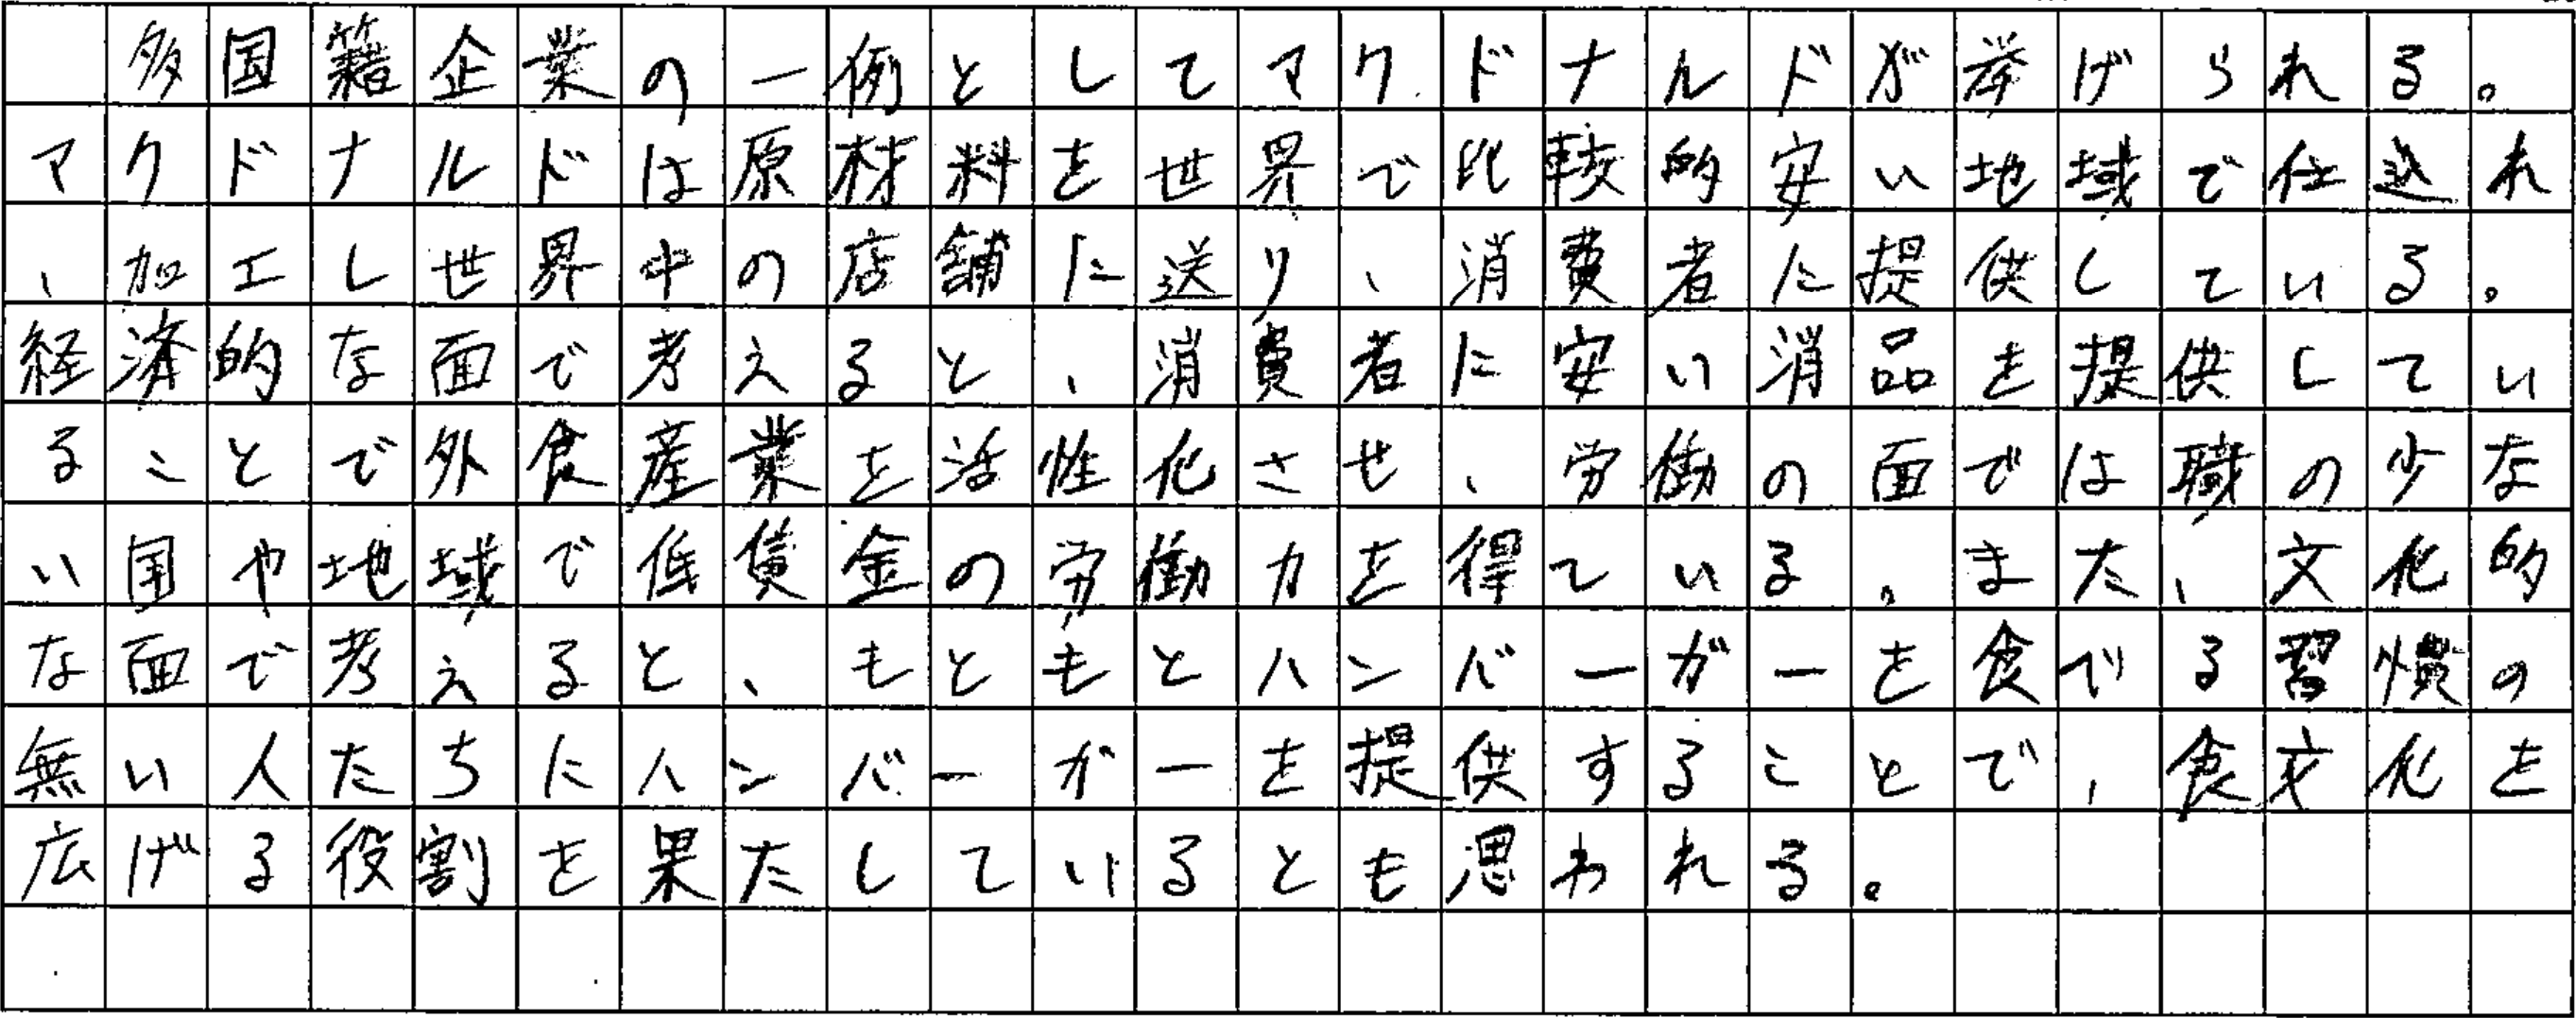　多国籍企業の一例としてマクドナルドが挙げられる。マクドナルドは原材料を世界で比較的安い地域で仕込れ、加工し世界中の店舗に送り、消費者に提供している。経済的な面で考えると、消費者に安い消品を提供していることで外食産業を活性化させ、労働の面では職の少ない国や地域で低賃金の労働力を得ている。また、文化的な面で考えると、もともとハンバーガーを食べる習慣の無い人たちにハンバーガーを提供することで、食文化を広げる役割を果たしているとも思われる。
